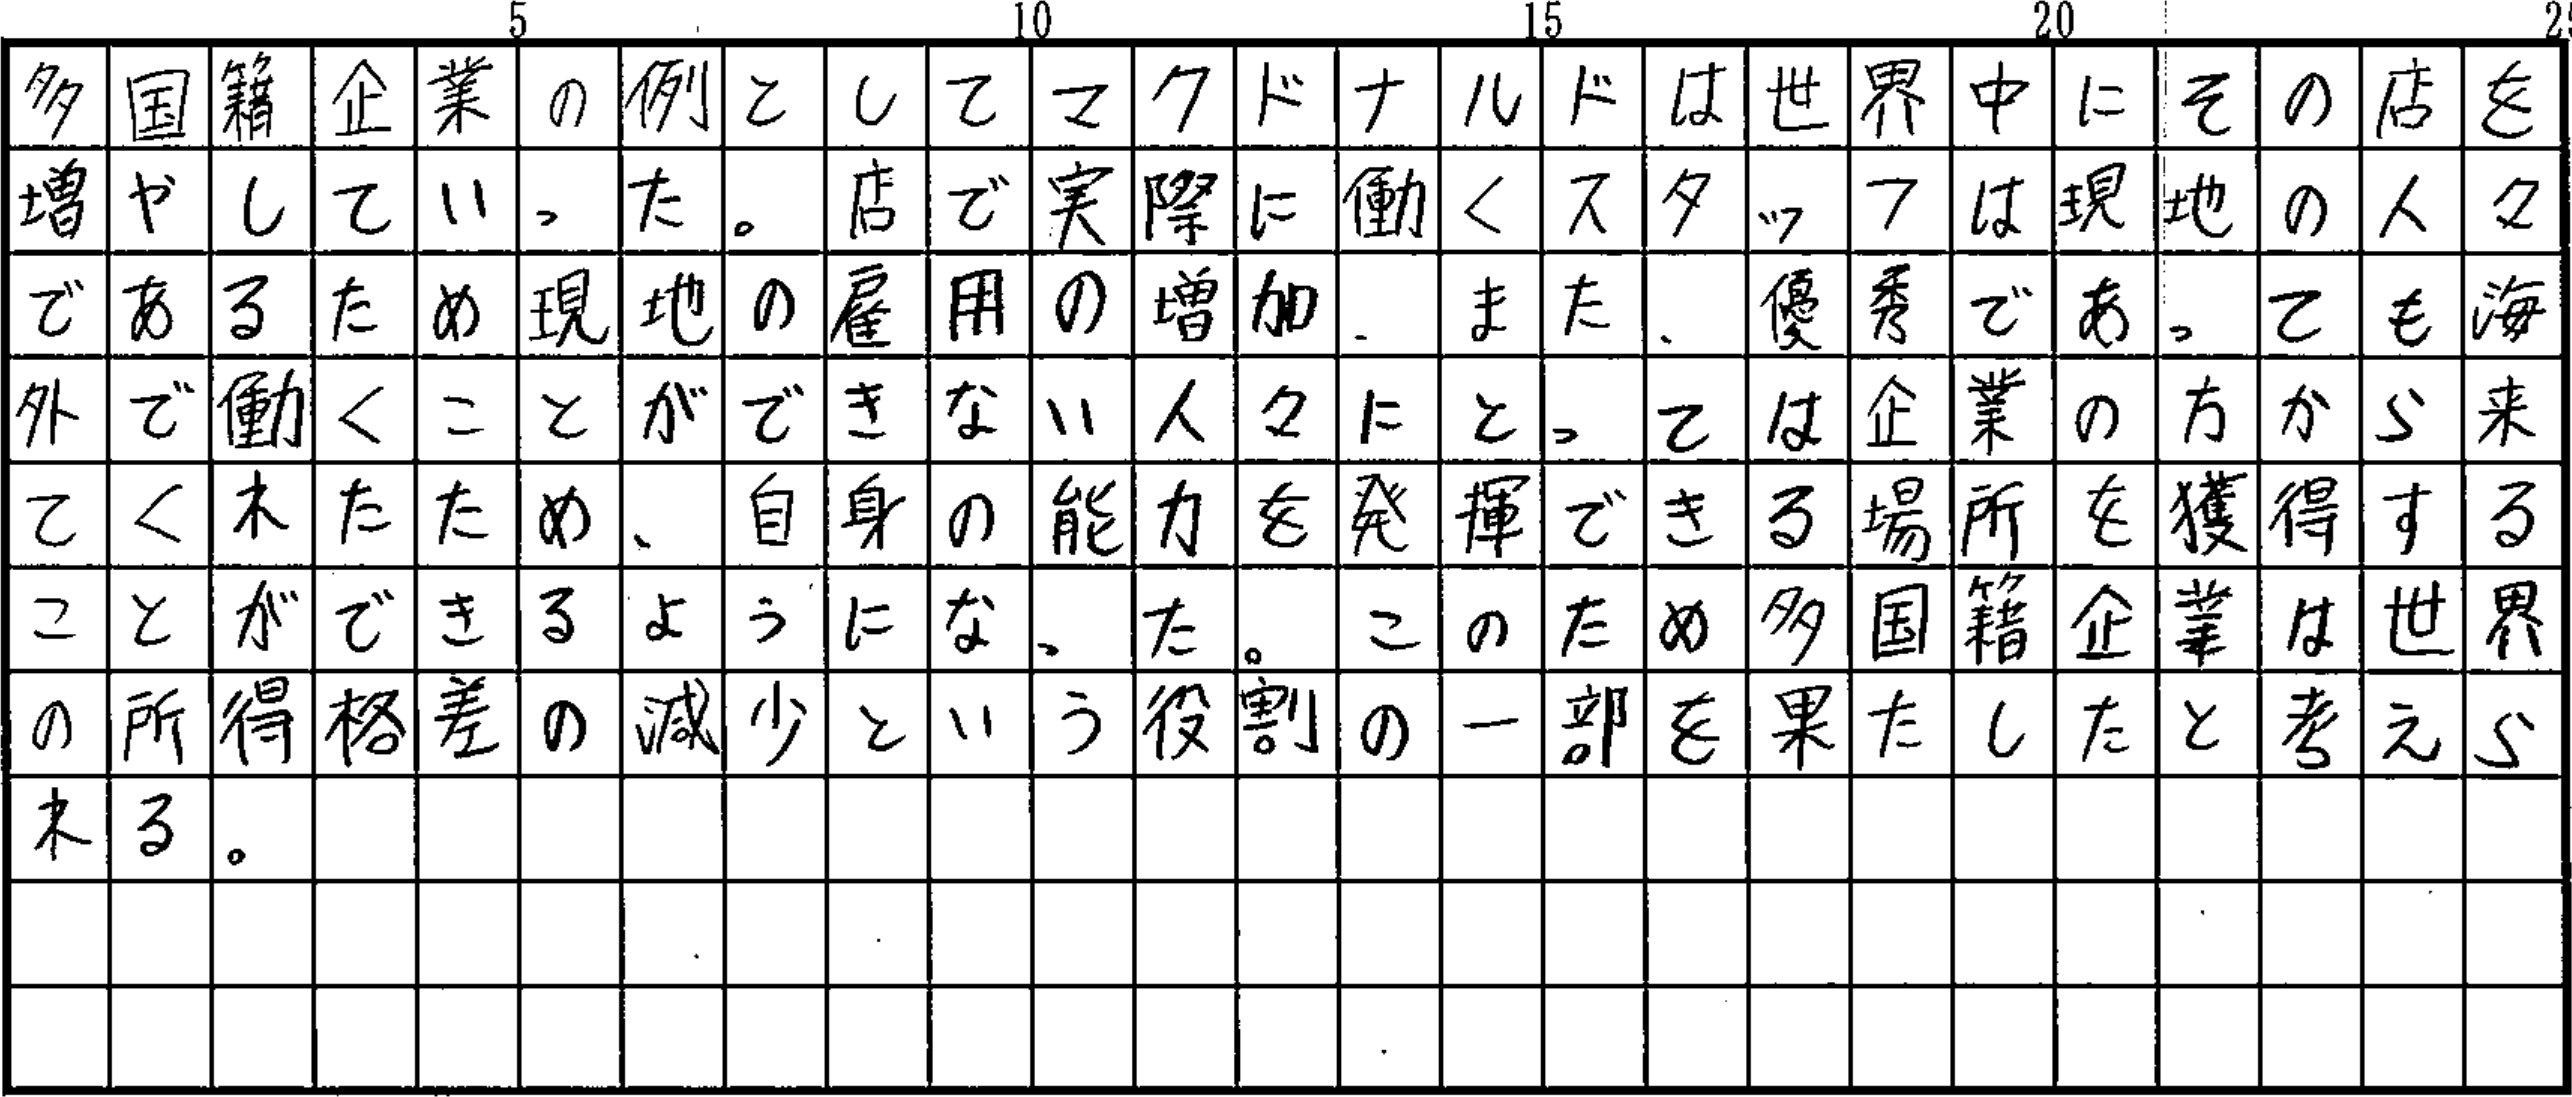多国籍企業の例としてマクドナルドは世界中にその店を増やしていった。店で実際に働くスタッフは現地の人々であるため現地の雇用の増加、また、優秀であっても海外で働くことができない人々にとっては企業の方から来てくれたため、自身の能力を発揮できる場所を獲得することができるようになった。このため多国籍企業は世界の所得格差の減少という役割の一部を果たしたと考えられる。
